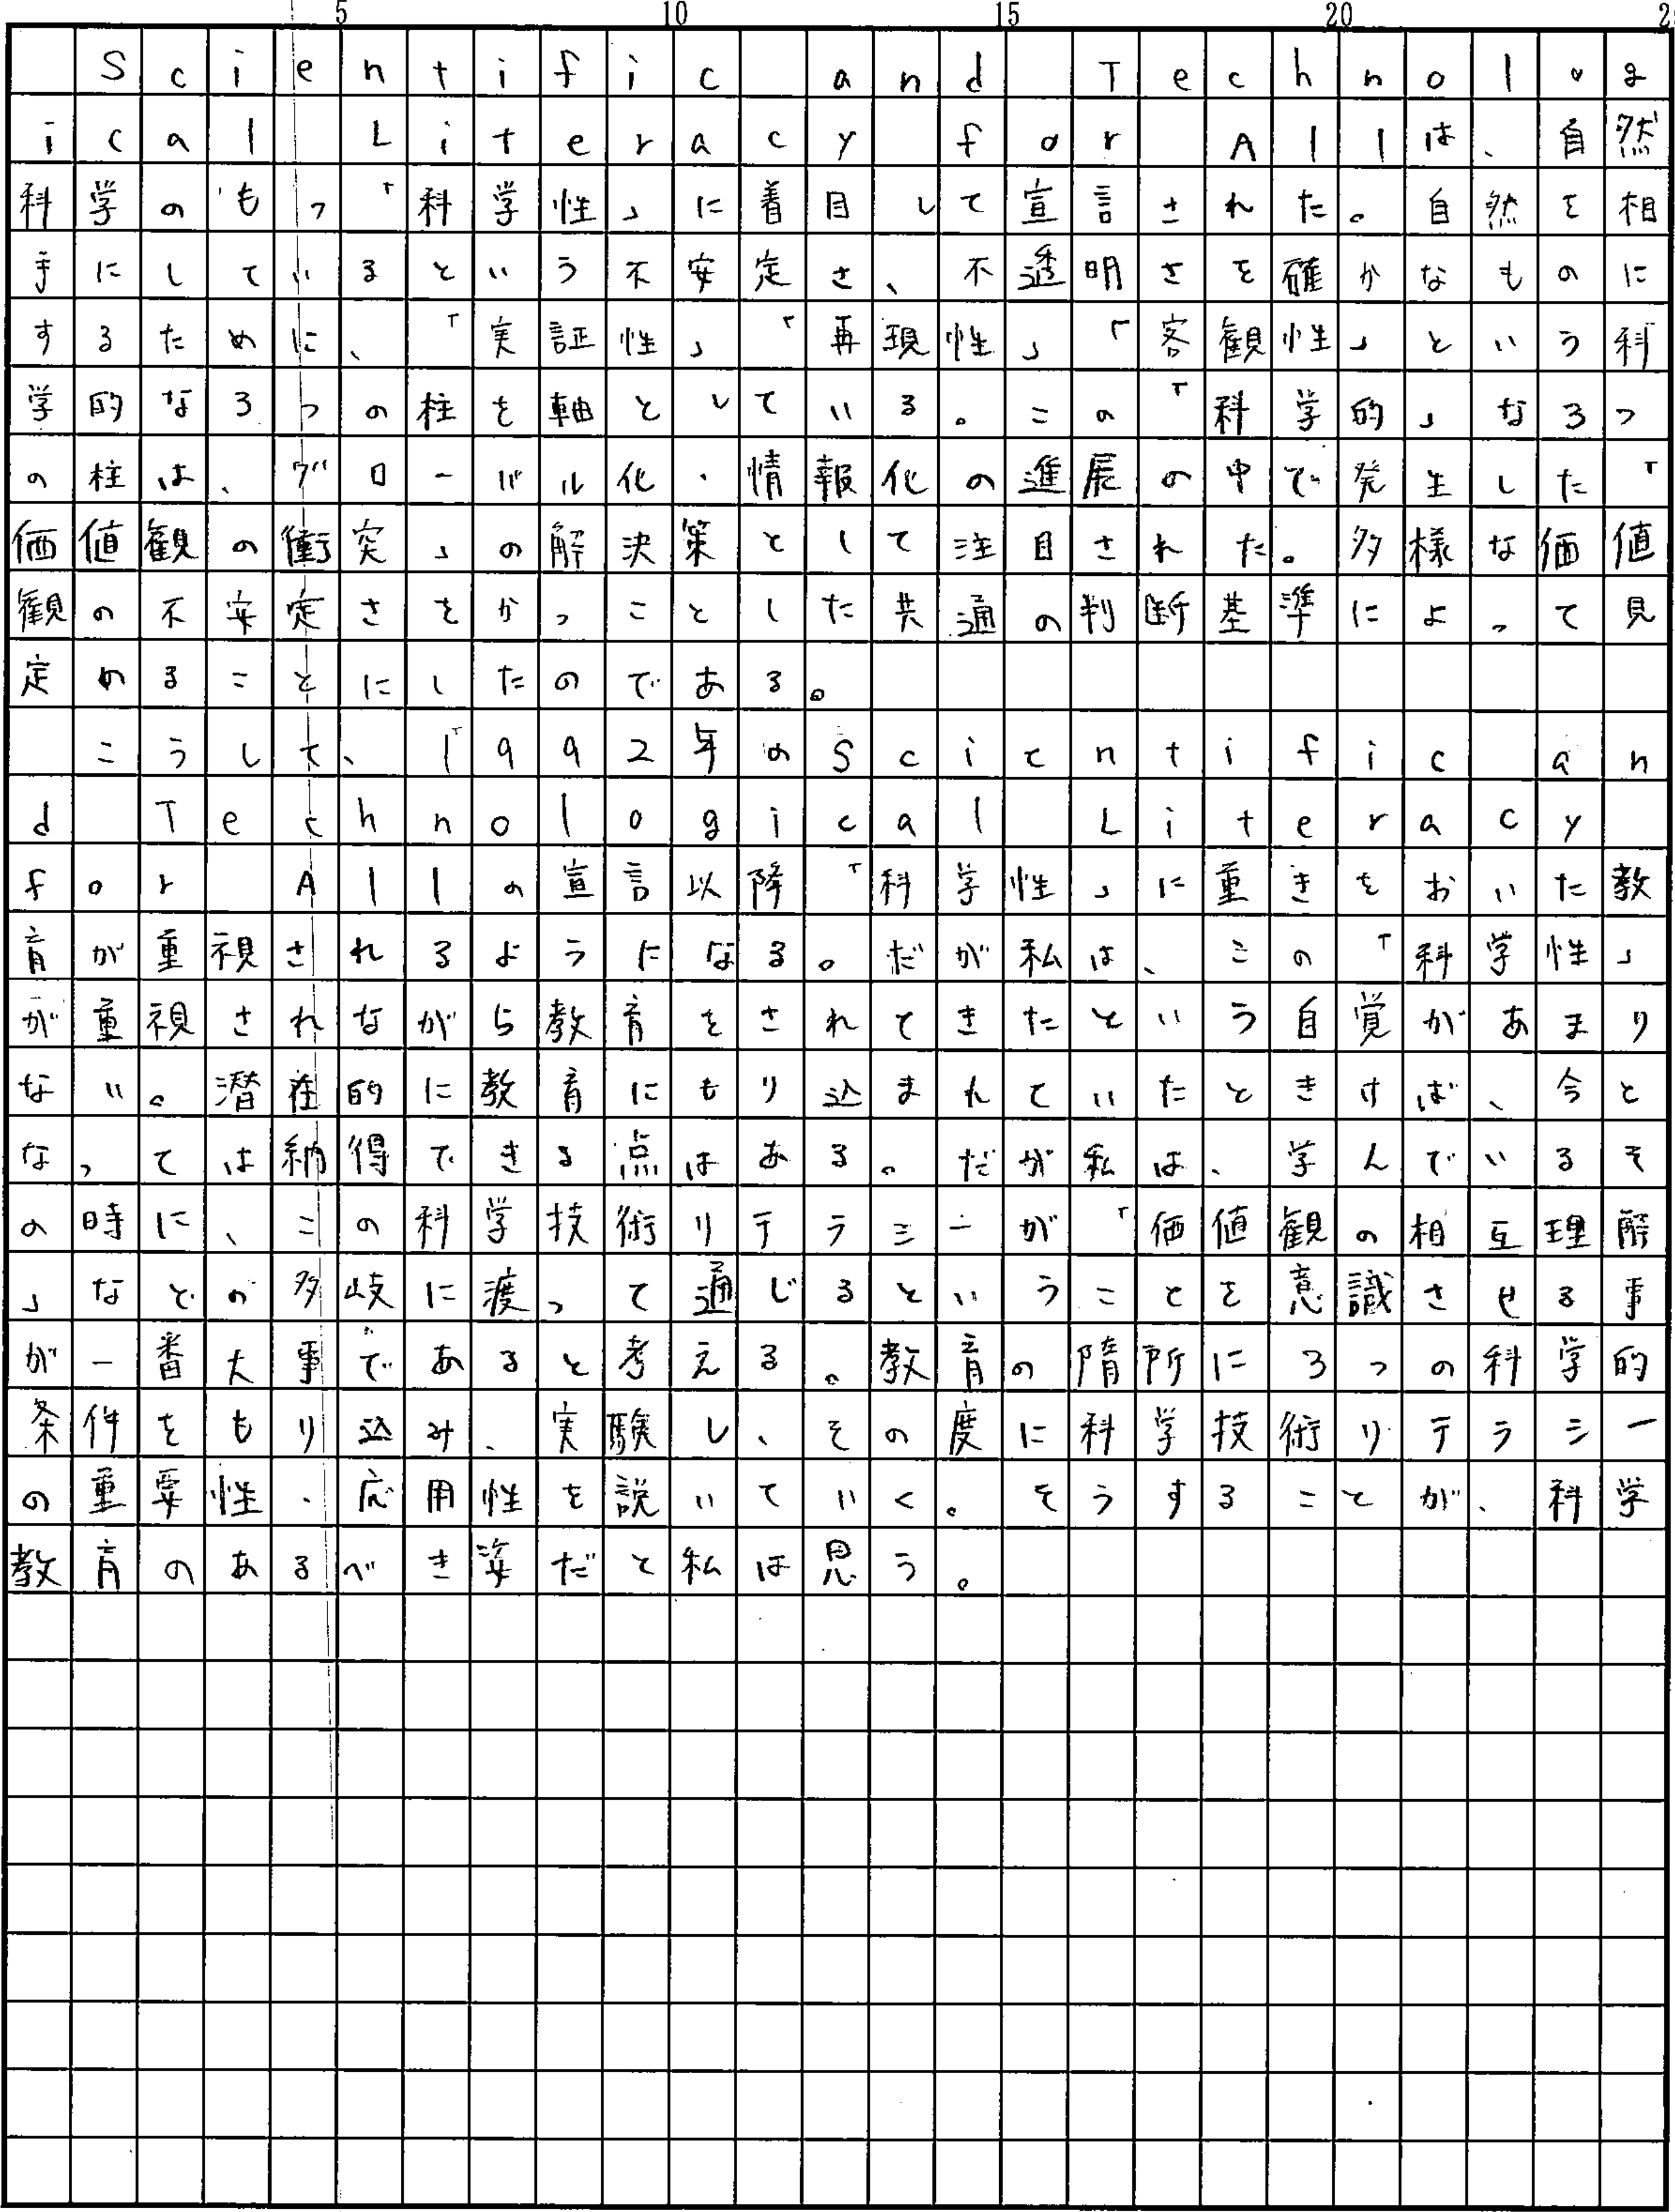　Ｓｃｉｅｎｔｉｆｉｃ　ａｎｄ　Ｔｅｃｈｎｏｌｏｇｉｃａｌ　Ｌｉｔｅｒａｃｙ　ｆｏｒ　Ａｌｌは、自然科学のもつ「科学性」に着目して宣言された。自然を相手にしているという不安定さ、不透明さを確かなものにするために、「実証性」「再現性」「客観性」という科学的な３つの柱を軸としている。この「科学的」な３つの柱は、グローバル化・情報化の進展の中で発生した「価値観の衝突」の解決策として注目された。多様な価値観の不安定さをかっことした共通の判断基準によって見定のることにしたのである。
　こうして、１９９２年のＳｃｉｅｎｔｉｆｉｃ　ａｎｄ　Ｔｅｃｈｎｏｌｏｇｉｃａｌ　Ｌｉｔｅｒａｃｙ　ｆｏｒ　Ａｌｌの宣言以降「科学性」に重きをおいた教育が重視されるようになる。だが私は、この「科学性」が重視されながら教育をされてきたという自覚があまりない。潜在的に教育にもり込まれていたときけば、今となっては納得できる点はある。だが私は、学んでいるその時に、この科学技術リテラシーが「価値観の相互理解」などの多岐に渡って通じるということを意識させる事が一番大事であると考える。教育の隋所に３つの科学的条件をもり込み、実験し、その度に科学技術リテラシーの重要性、応用性を説いていく。そうすることが、科学教育のあるべき姿だと私は思う。
